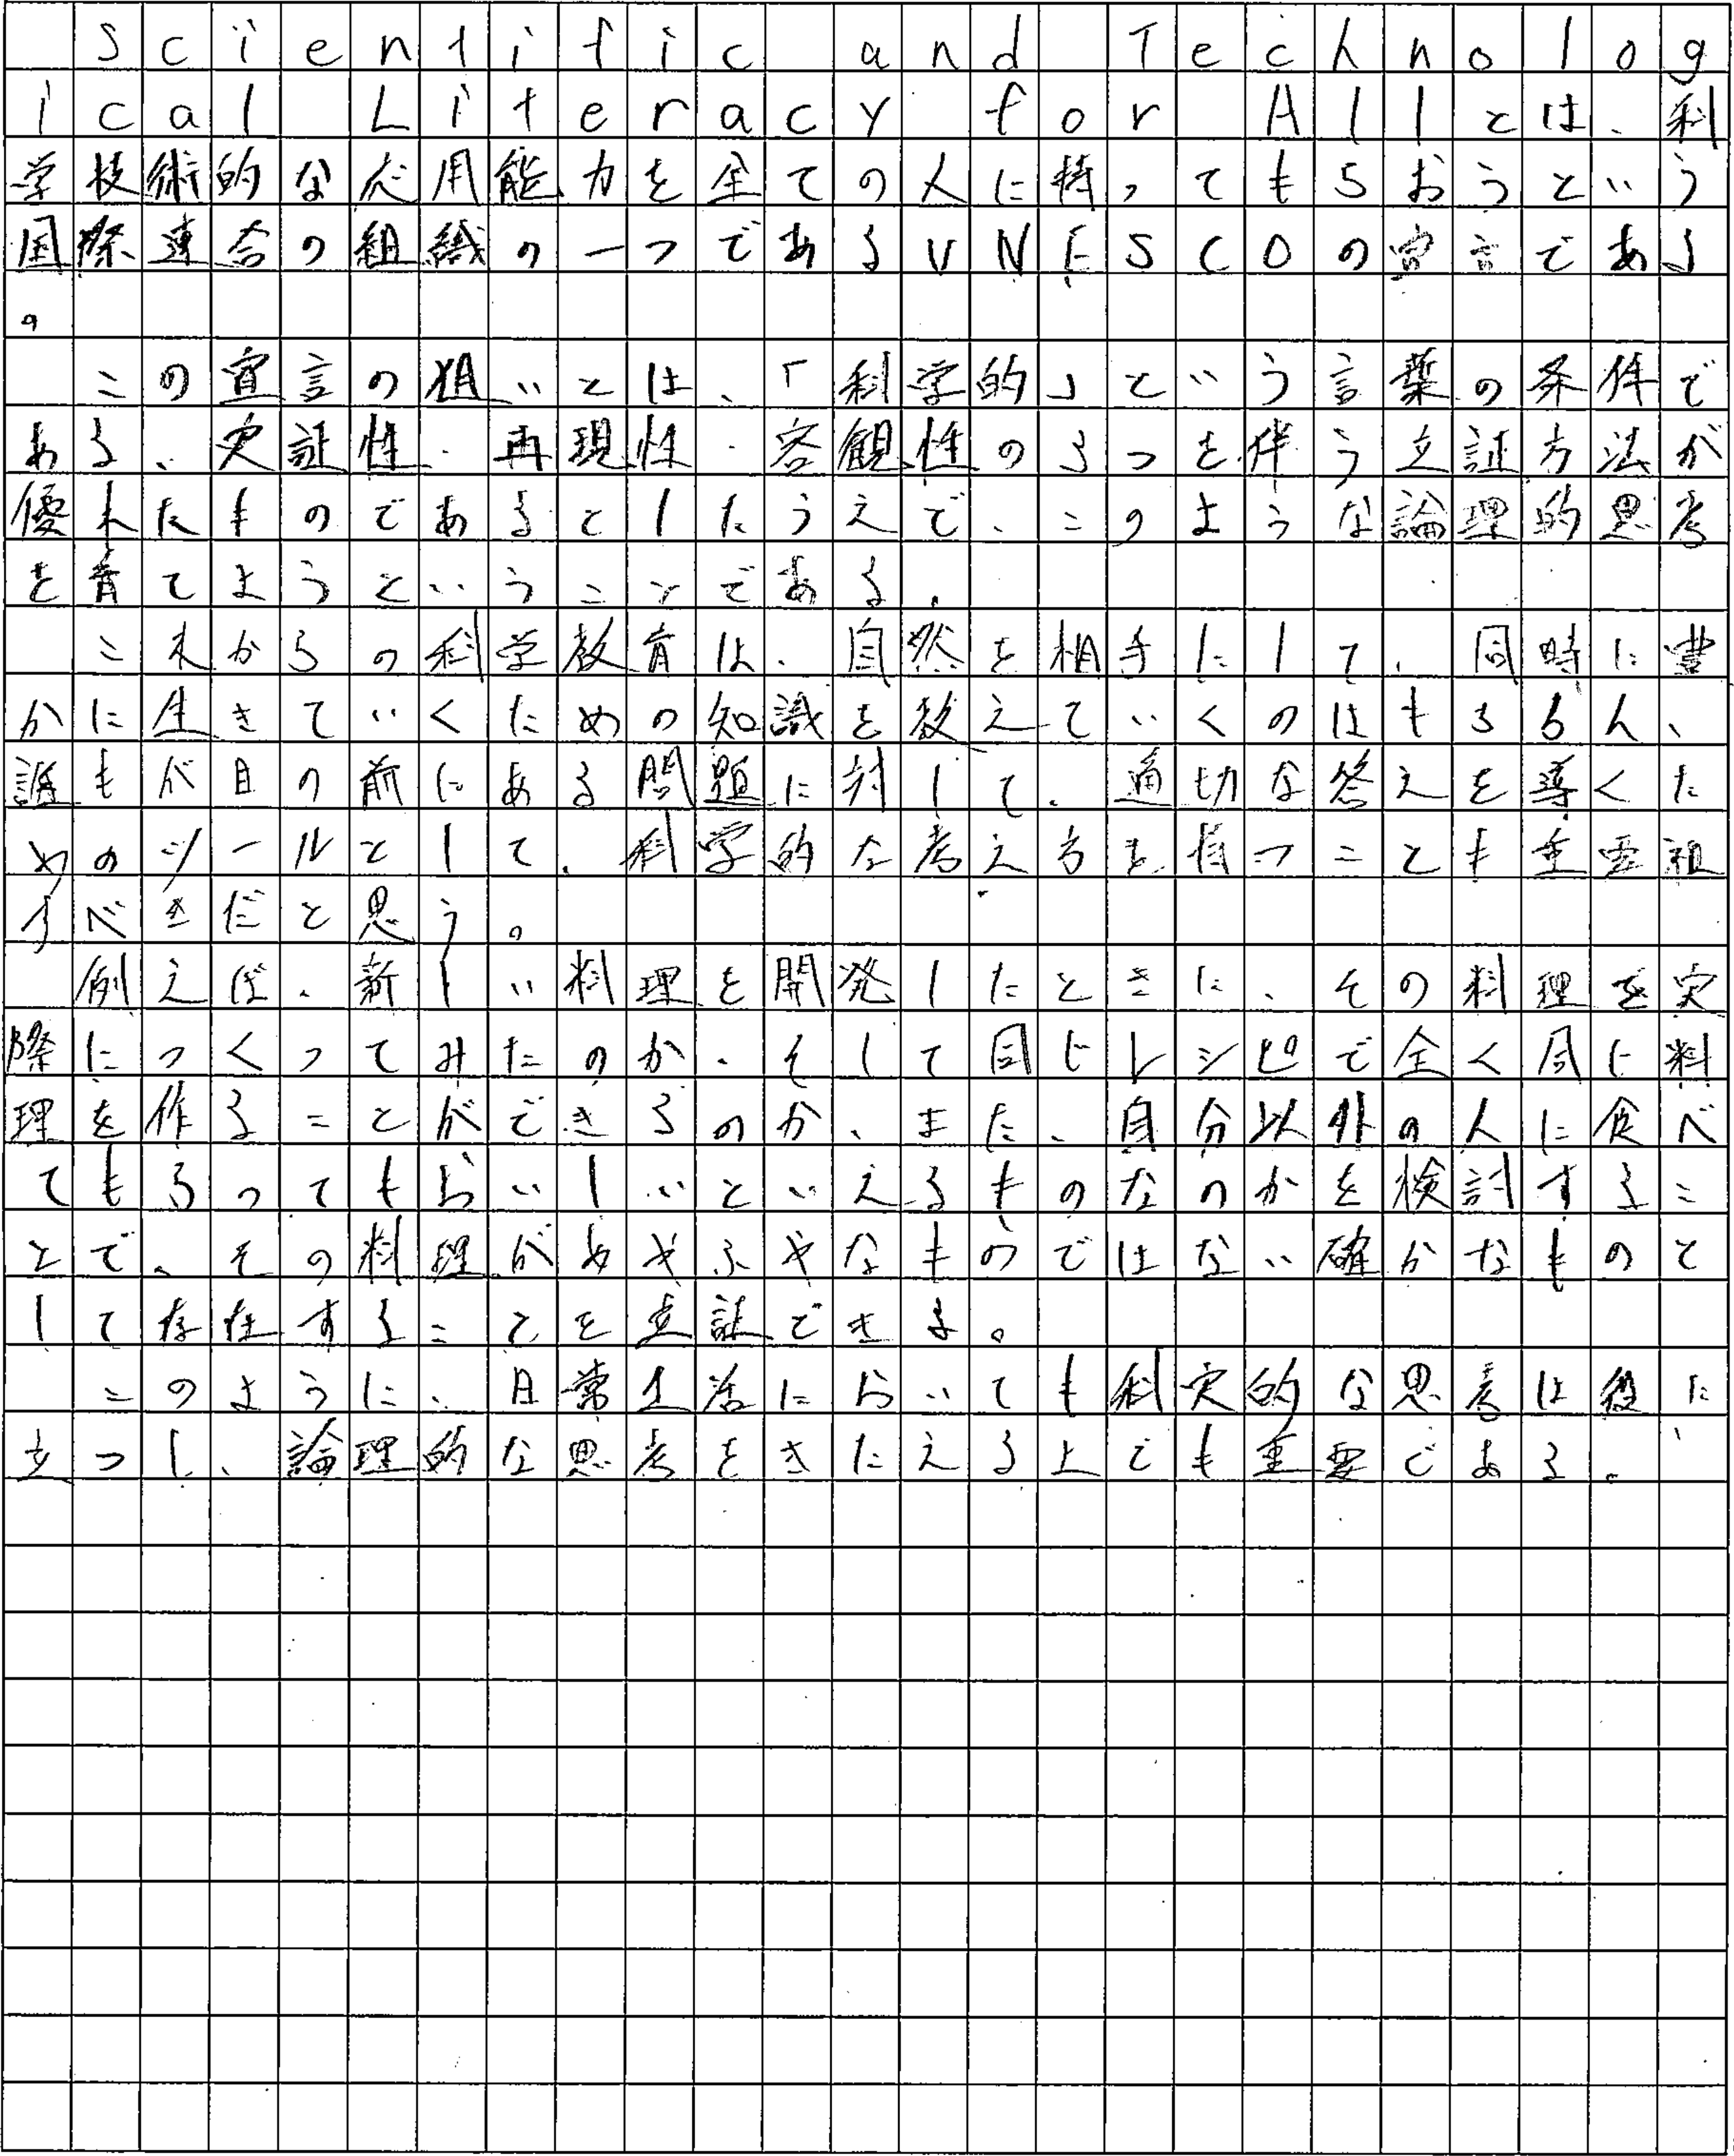　Ｓｃｉｅｎｔｉｆｉｃ　ａｎｄ　Ｔｅｃｈｎｏｌｏｇｉｃａｌ　Ｌｉｔｅｒａｃｙ　ｆｏｒ　Ａｌｌとは、科学技術的な応用能力を全ての人に持ってもらおうという国際連合の組織の一つであるＵＮＥＳＣＯの宣言である。
　この宣言の狙いとは、「科学的」という言葉の条件である、実証性、再現性、客観性の３つを伴う立証方法が優れたものであるとしたうえで、このような論理的思考を育てようということである。
　これからの科学教育は、自然を相手にして、同時に豊かに生きていくための知識を教えていくのはもちろん、誰もが目の前にある問題に対して、適切な答えを導くためのツールとして、科学的な考え方を持つことも重要視すべきだと思う。
　例えば、新しい料理を開発したときに、その料理を実際につくってみたのか、そして同じレシピで全く同じ料理を作ることができるのか、また、自分以外の人に食べてもらってもおいしいといえるものなのかを検討することで、その料理があやふやなものではない確かなものとして存在することを立証できる。
　このように、日常生活においても科実的な思考は役に立つし、論理的な思考をきたえる上でも重要である。
